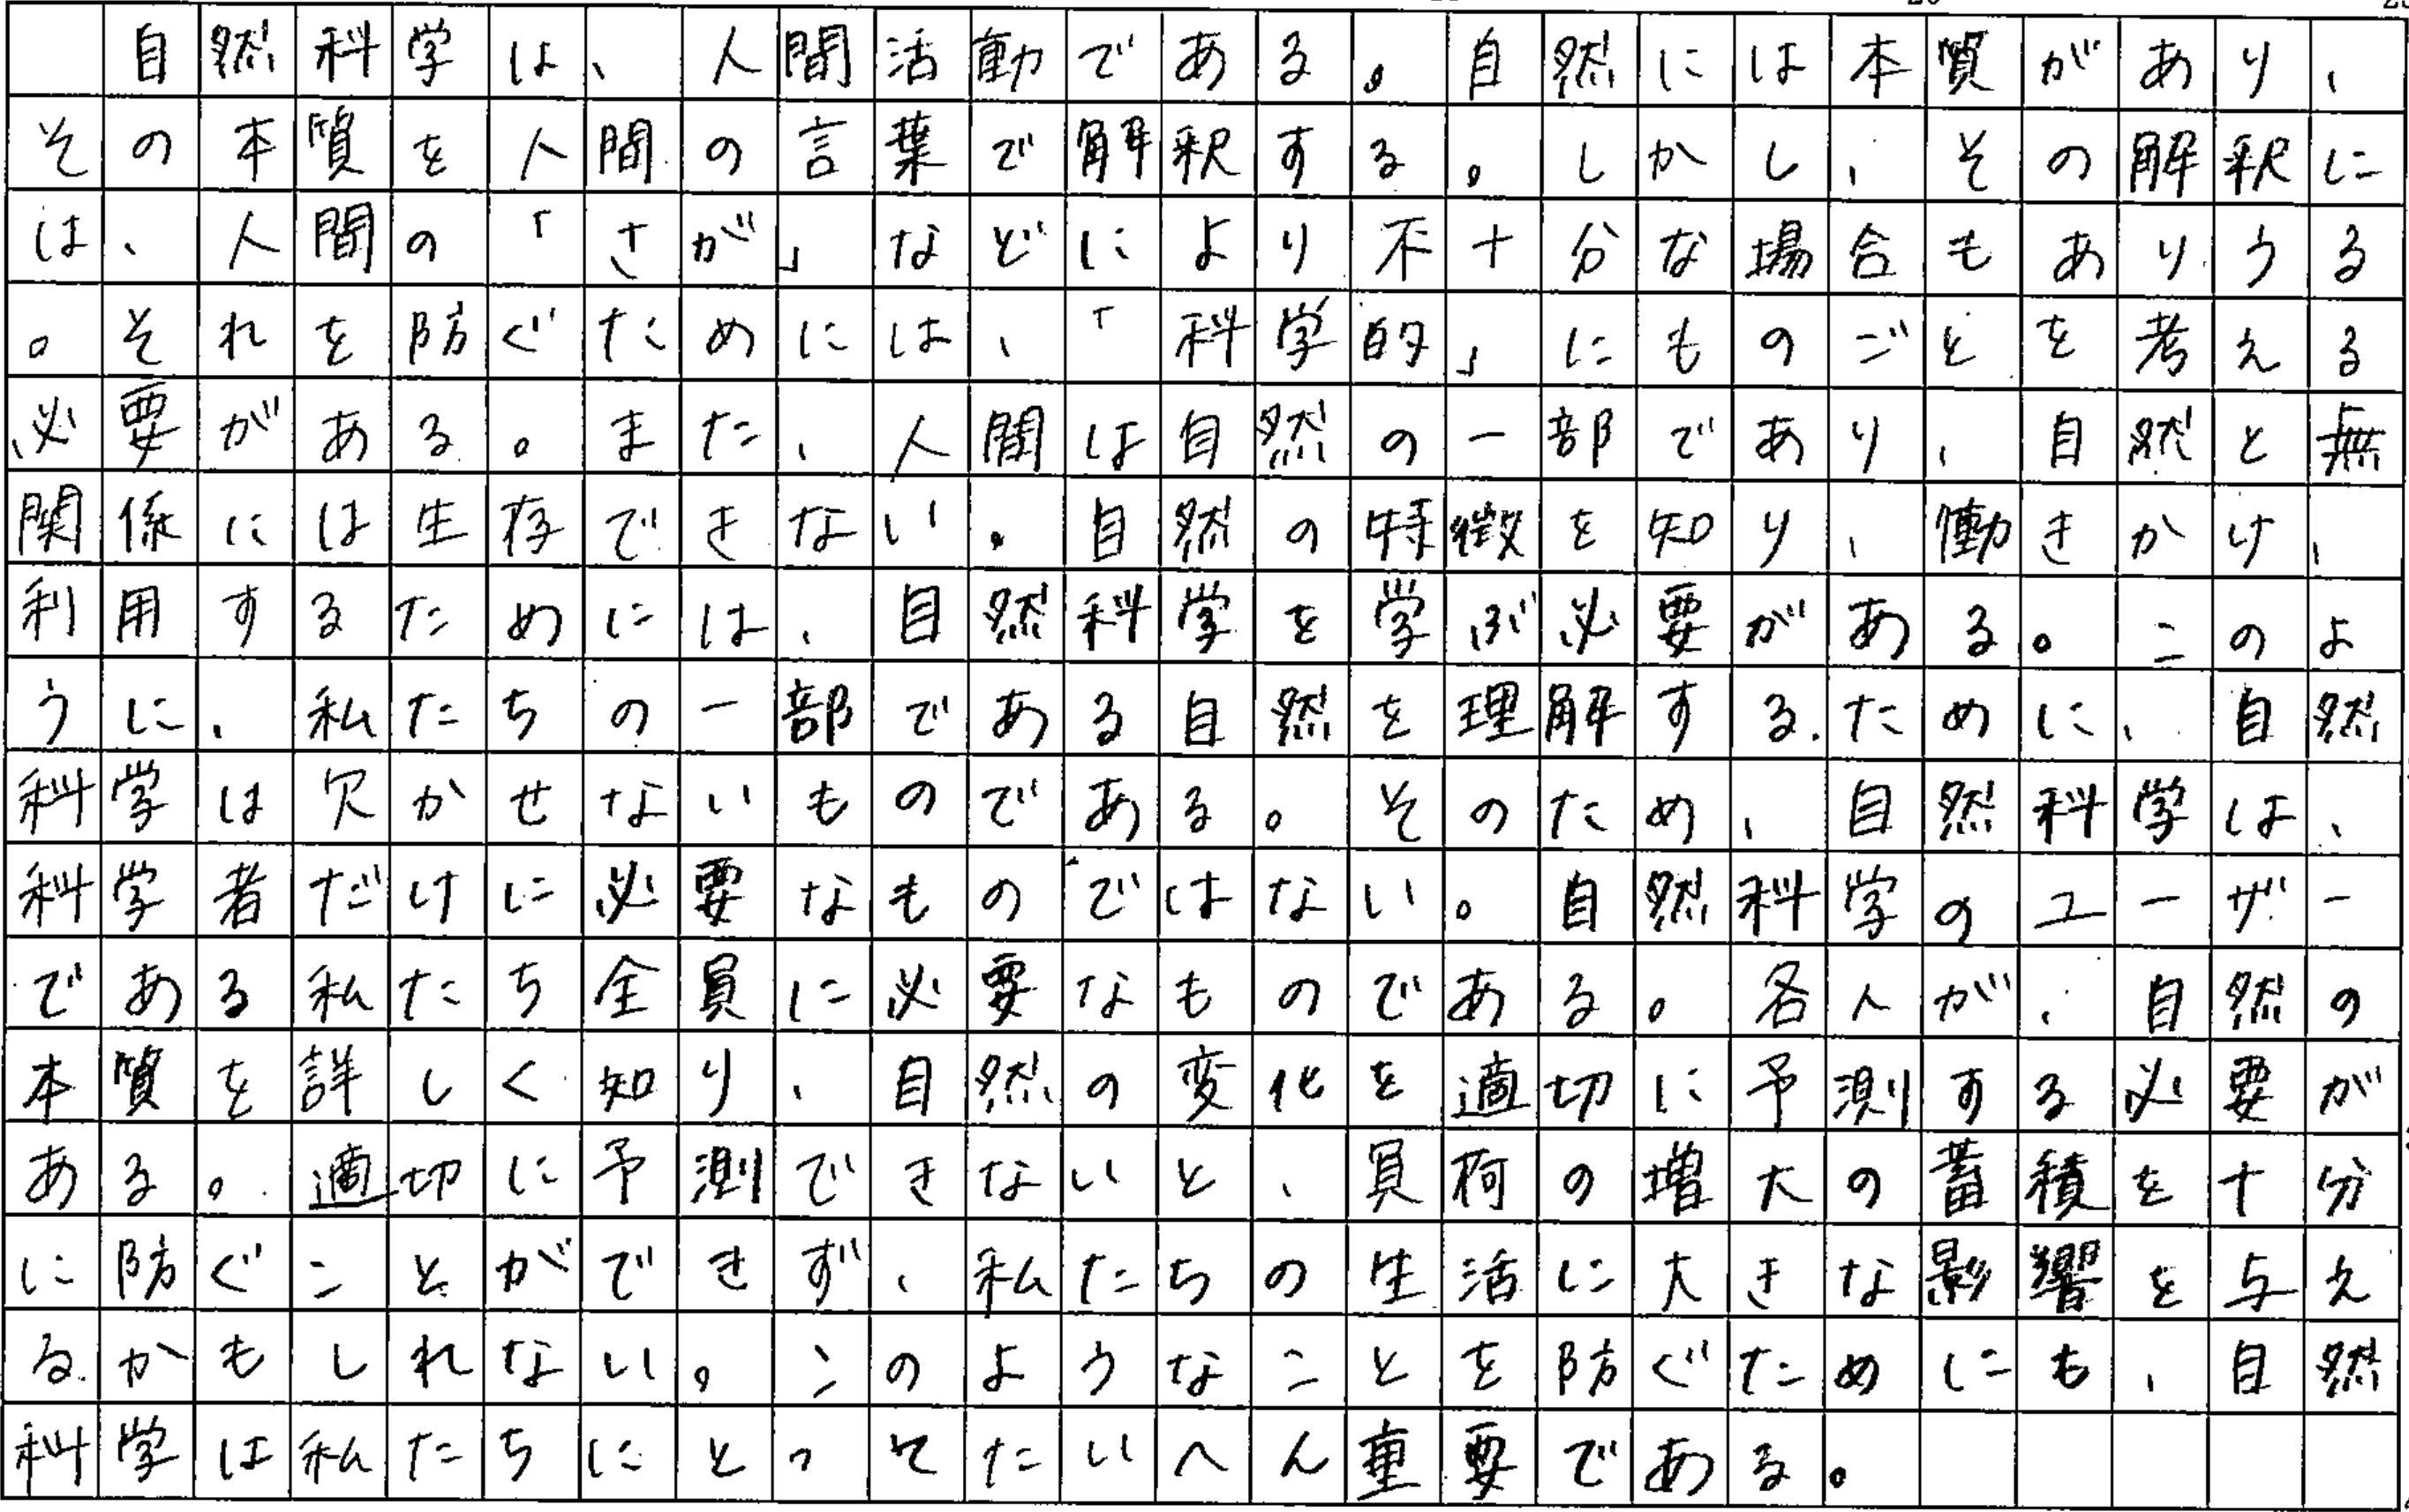　自然科学は、人間活動である。自然には本質があり、その本質を人間の言葉で解釈する。しかし、その解釈には、人間の「さが」などにより不十分な場合もありうる。それを防ぐためには、「科学的」にものごとを考える必要がある。また、人間は自然の一部であり、自然と無関係には生存できない。自然の特徴を知り、働きかけ、利用するためには、自然科学を学ぶ必要がある。このように、私たちの一部である自然を理解するために、自然科学は欠かせないものである。そのため、自然科学は、科学者だけに必要なものではない。自然科学のユーザーである私たち全員に必要なものである。各人が、自然の本質を詳しく知り、自然の変化を適切に予測する必要がある。適切に予測できないと、負荷の増大の蓄積を十分に防ぐことができず、私たちの生活に大きな影響を与えるかもしれない。このようなことを防ぐためにも、自然科学は私たちにとってたいへん重要である。
